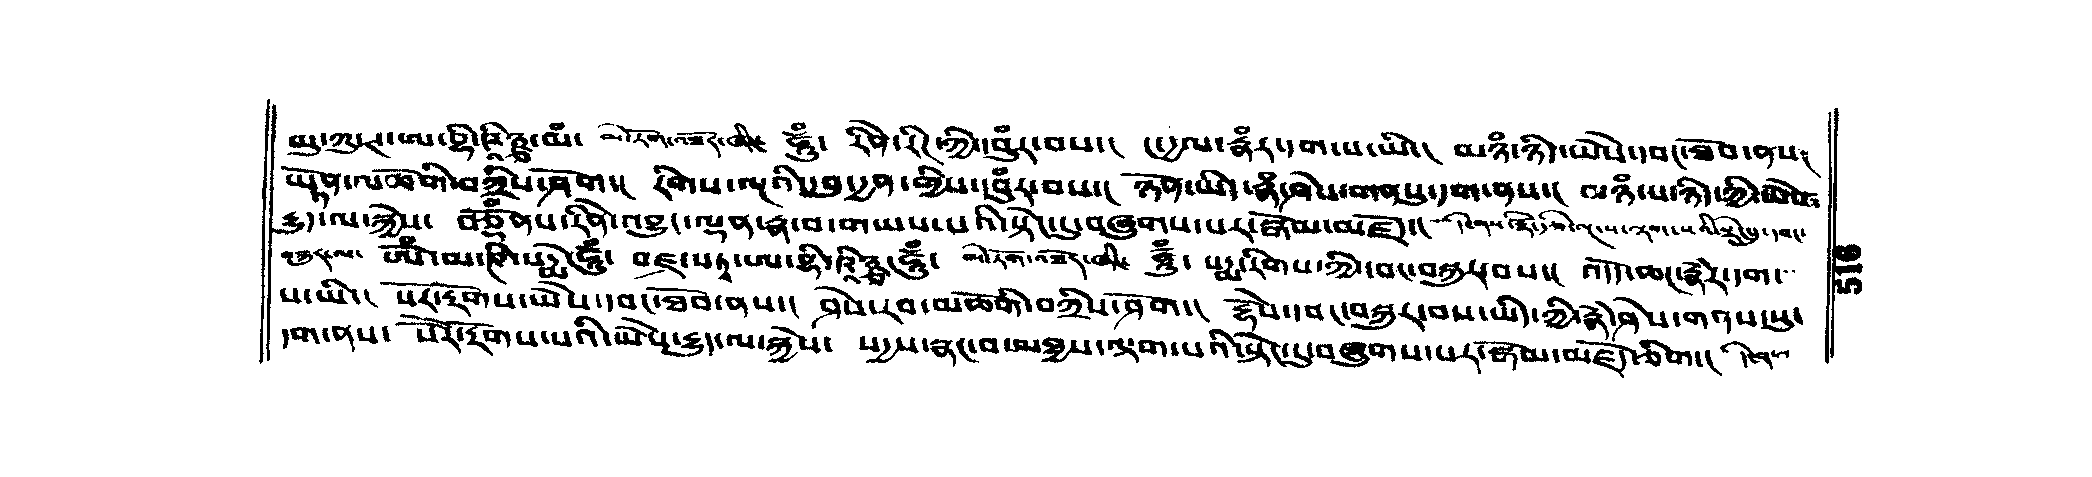མུ་ཀུ་ཊ་ཨ་བྷི་རཱིཉྩ་མཾ། མེ་ཏོག་འཐོར་ཞིང་། ཧཱུྃ། རིན་ཆེན་རིགས་ཀྱི་དབང་བསྐུར་བས། །ང་རྒྱལ་རྣམ་པར་དག་པ་ཡི། །མཉམ་ཉིད་ཡེ་ཤེས་དབང་ཐོབ་ནས། །
ཡོན་ཏན་མཆོག་གི་བཀྲ་ཤིས་ཤོག རིགས་ལྔའི་དབུ་རྒྱན་གྱིས་དབང་བསྐུར་བས། ཉོན་ཡིད་རྣམ་ཤེས་གནས་སུ་དག་ནས། མཉམ་པ་ཉིད་ཀྱི་ཡེ་ཤེས་
རྒྱུད་ལ་སྐྱེས། བཅོམ་ལྡན་རིན་ཆེན་འབྱུང་ལྡན་རྣ་བ་གཡས་པའི་སྟེང་དུ་བཞུགས་པར་སྒོམ་མཛོད། དེ་ནས་རྡོ་རྗེ་རྩེ་ལྔ་པ་ལྡན་པའི་སྟེང་དུ་དབང་
བསྐུར་ལ། ཨོཾ་མ་ཎི་པདྨེ་ཧཱུྃ། བཛྲ་ས་ཏྭ་ཨ་བྷི་རཱིཉྩ་ཧཱུྃ། མེ་ཏོག་འཐོར་ཞིང་། ཧཱུྃ། པདྨ་རིགས་ཀྱི་དབང་བསྐུར་བས། །འདོད་ཆགས་རྣམ་པར་དག་
པ་ཡི། །སོར་རྟོགས་ཡེ་ཤེས་དབང་ཐོབ་ནས། །ཤེས་རབ་མཆོག་གི་བཀྲ་ཤིས་ཤོགརྡོ་རྗེས་དབང་བསྐུར་བས་ཡིད་ཀྱི་རྣམ་ཤེས་གནས་སུ་
དག་ནས། སོ་སོར་རྟོགས་པའི་ཡེ་ཤེས་རྒྱུད་ལ་སྐྱེས། སངས་རྒྱས་སྣང་བ་མཐའ་ཡས་ལྟག་པའི་སྟེང་དུ་བཞུགས་པར་སྒོམ་མཛོད་ཅིག 1$1000180དེ་ནས་